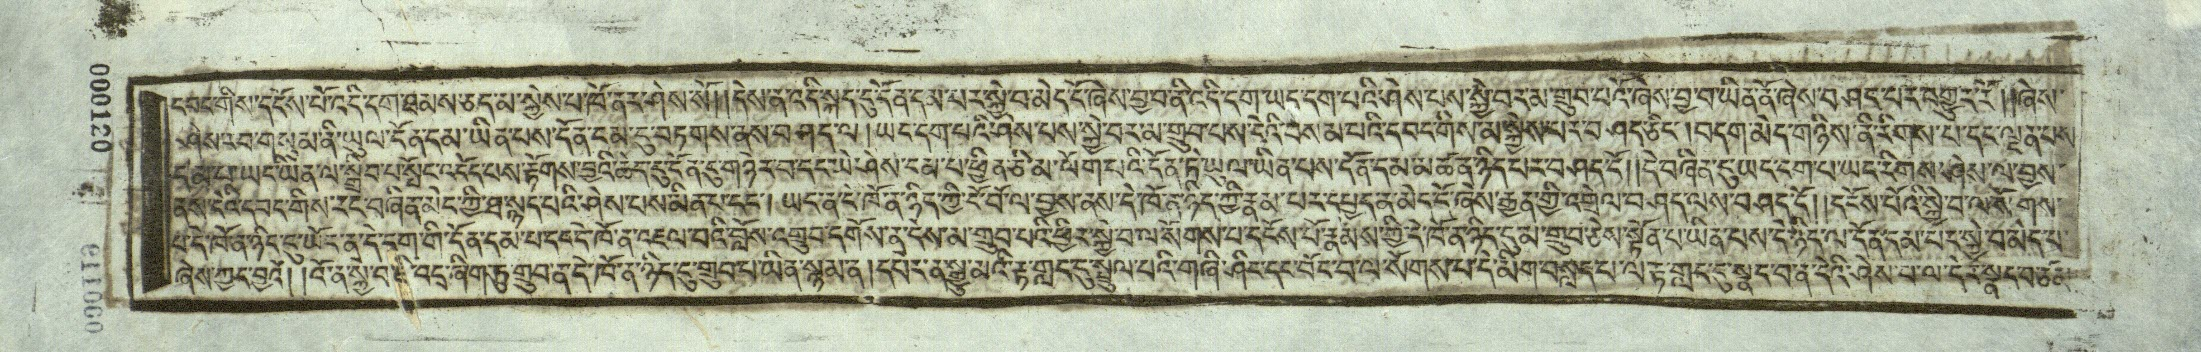དབང་གིས་དངོས་པོ་འདི་དག་ཐམས་ཅད་མ་སྐྱེས་པ་ཁོ་ནར་ཤེས་སོ། །དེས་ན་འདི་སྐད་དུ་དོན་དམ་པར་སྐྱེ་བ་མེད་དོ་ཞེས་བྱ་བ་ནི་འདི་དག་ཡང་དག་པའི་ཤེས་པས་སྐྱེ་བར་མ་གྲུབ་པའོ་ཞེས་བྱ་བ་ཡིན་ནོ་ཞེས་བཤད་པར་འགྱུར་རོ། །ཞེས་
ཤེས་རང་གསུམ་ནི་ཡུལ་དོན་དམ་ཡིན་པས་དོན་དམ་དུ་བཏགས་ནས་བཤད་ལ། ཡང་དག་པའི་ཤེས་པས་སྐྱེ་བར་མ་གྲུབ་པས་དེའི་བསམ་པའི་དབང་གིས་མ་སྐྱེས་པར་བཤད་ཅིང་། བདག་མེད་གཉིས་ནི་རིགས་པ་དང་ལྡན་པས་
དམ་པ་ཡང་ཡིན་ལ་སྒྲིབ་པ་སྤང་འདོད་པས་རྟོགས་བྱའི་ཆེད་དུ་དོན་དུ་གཉེར་བ་དང་ཡེ་ཤེས་དམ་པ་ཕྱིན་ཅི་མ་ལོག་པའི་དོན་ཏེ་ཡུལ་ཡིན་པས་དོན་དམ་མཚན་ཉིད་པར་བཤད་དོ། །དེ་བཞིན་དུ་ཡང་དག་པ་ཡང་རིགས་ཤེས་ལ་བྱས་
ནས་དེའི་དབང་གིས་རང་བཞིན་མེད་ཀྱི་ཐ་སྙད་པའི་ཤེས་པས་མིན་པ་དང་། ཡང་ན་དེ་ཁོ་ན་ཉིད་ཀྱི་ངོ་བོ་ལ་བྱས་ནས་ད་ཁོ་ན་ཉིད་ཀྱི་རྣམ་པར་དཔྱད་ན་མོད་དོ་ཞེས་རྒྱན་གྱི་འགྲེལ་བཤད་ལས་བཤད་དོ། །དངོས་པོའི་སྐྱེ་བ་ལ་སོགས་
པ་དེ་ཁོ་ན་ཉིད་དུ་ཡོད་ན་དེ་དག་གི་དོན་དམ་པ་དང་དེ་ཁོ་ན་འཇལ་བའི་བློས་འགྲུབ་དགོས་ན་དེས་མ་གྲུབ་པའི་ཕྱིར་སྐྱེ་བ་ལ་སོགས་པ་དངོས་པོ་རྣམས་ཀྱི་དེ་ཁོ་ན་ཉིད་དུ་མ་གྲུབ་ཅེས་སྟོན་པ་ཡིན་པས་དེ་ཉིད་ལ་དོན་དམ་པར་སྐྱེ་བ་མེད་པ་
ཞེས་ཀྱང་བྱའོ། །འོ་ན་སྐྱེ་བ་ཇི་འདྲ་ཞིག་ཏུ་གྲུབ་ན་དེ་ཁོ་ན་ཉིད་དུ་གྲུབ་པ་ཡིན་སྙམ་ན། དཔེར་ན་སྒྱུ་མའི་རྟ་གླང་དུ་སྤྲུལ་པའི་གཞི་ཤིང་དང་བོང་བ་ལ་སོགས་པ་དེ་མིག་བསླད་པ་ལ་རྟ་གླང་དུ་སྣང་བ་ན་དེའི་ཤེས་པ་ལ་དེར་སྣང་བ་ཙམ་